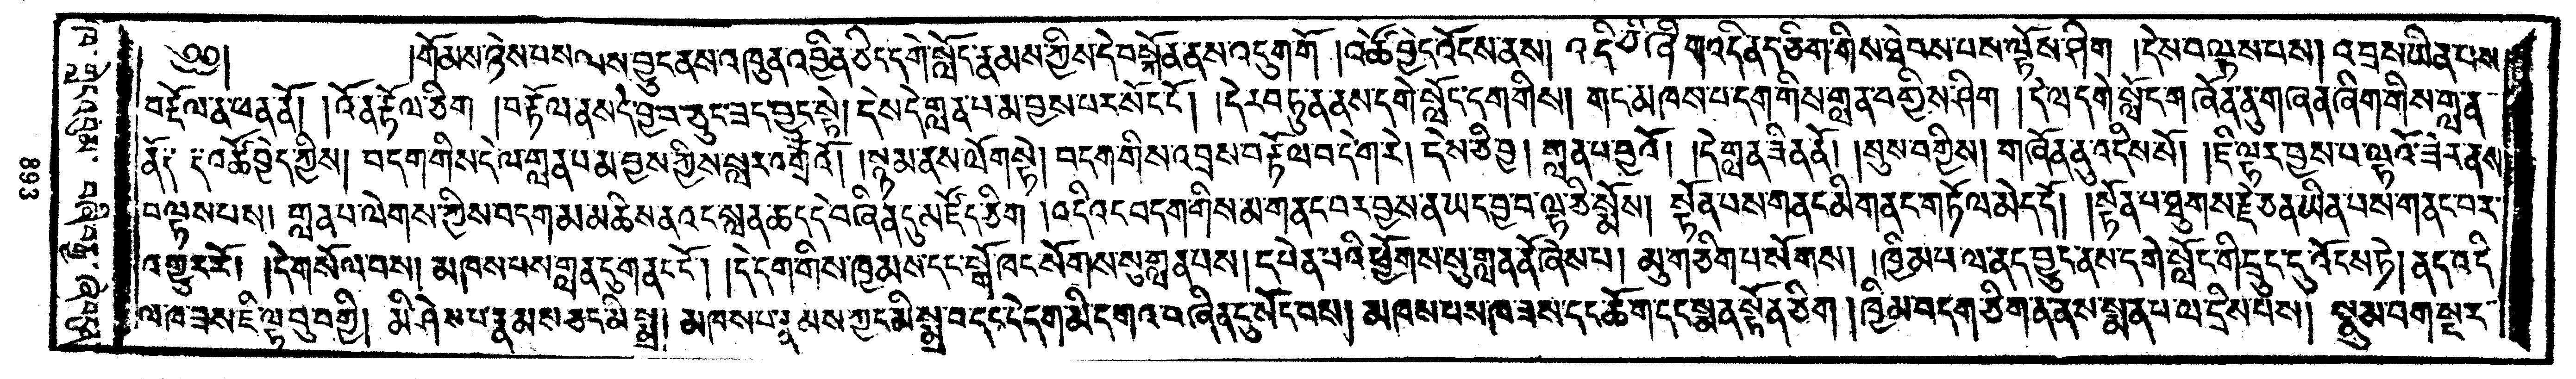༄༅། །གོམས་ཉེས་པས་ལས་བྱུང་ནས་འཁུན་འབྱིན་ཅིང་དགེ་སློང་རྣམས་ཀྱིས་དེ་བསྐོན་ནས་འདུག་གོ །འཚོ་བྱེད་འོངས་ནས། འདི་ཅི་ཞིག་འདི་ནད་ཅིག་གིས་ཐེབས་པས་ལྟོས་ཤིག །དེས་བལྟས་པས། འབྲས་ཡིན་པས་
བརྡོལ་ན་ཕན་ནོ། །འོ་ན་རྟོལ་ཅིག །བརྟོལ་ནས་དེ་བྱ་བ་ཅུང་ཟད་བྱུང་སྟེ། དེས་དེ་གླན་པ་མ་བྱས་པར་སོང་ངོ། །དེ་རབ་ཏུ་ན་ནས་དགེ་སློང་དག་གིས། གང་མཁས་པ་དག་གིས་གླན་བགྱིས་ཤིག །དེ་ལ་དགེ་སློང་གཞོན་ནུ་གཞན་ཞིག་གིས་གླ་ན་
ནོ༑ ༑འཚོ་བྱེད་ཀྱིས། བདག་གིས་དེ་ལ་གླན་པ་མ་བྱས་ཀྱིས་སླར་འགྲོའོ། །སྙམ་ནས་ལོག་སྟེ། བདག་གིས་འབྲས་བརྟོལ་བ་དེ་ག་རེ། དེས་ཅི་བྱ། གླན་པ་བྱའོ། །དེ་གླན་ཟིན་ནོ། །སུས་བགྱིས། གཞོན་ནུ་འདིས་སོ། །ཇི་ལྟར་བྱས་པ་ལྟའོ་ཟེར་ནས་
བལྟས་པས། གླན་པ་ལེགས་ཀྱིས་བདག་མ་མཆིས་ནའང་སླན་ཆད་དེ་བཞིན་དུ་མཛོད་ཅིག །འདིའང་བདག་གིས་མ་གནང་བར་བྱས་ན་ཡང་བྱ་བ་ལྟ་ཅི་སྨོས། སྟོན་པས་གནང་མི་གནང་གཏོལ་མེད་དོ། །སྟོན་པ་ཐུགས་རྗེ་ཅན་ཡིན་པས་གནང་པར་
འགྱུར་རོ། །དེ་གསོལ་བས། མཁས་པས་གླན་དུ་གནང་ངོ། །དེ་དག་གིས་ཁྱམས་དང་སྒོ་ཁང་སོགས་སུ་གླན་པས། དཔེན་པའི་ཕྱོགས་སུ་གླན་ནོ་ཞེས་པ། མུ་གཅིག་པ་སོགས། །ཁྱིམ་པ་ལ་ནད་བྱུང་ནས་དགེ་སློང་གི་དྲུང་དུ་འོངས་ཏེ། ནད་འདི་
ལ་ཁ་ཟས་ཇི་ལྟ་བུ་བགྱི། མི་ཤེས་པ་རྣམས་ཅད་མི་སྨྲ། མཁས་པ་རྣམས་ཀྱང་མི་སྨྲ་བ་དང་དེ་དག་མི་དགའ་བཞིན་དུ་སོང་བས། མཁས་པས་ཁ་ཟས་དང་ཆོ་ག་དང་སྨན་སྟོན་ཅིག །ཁྱིམ་བདག་ཅིག་ན་ནས་སྨན་པ་ལ་དྲིས་པས། སྣུམ་བག་སྔར་